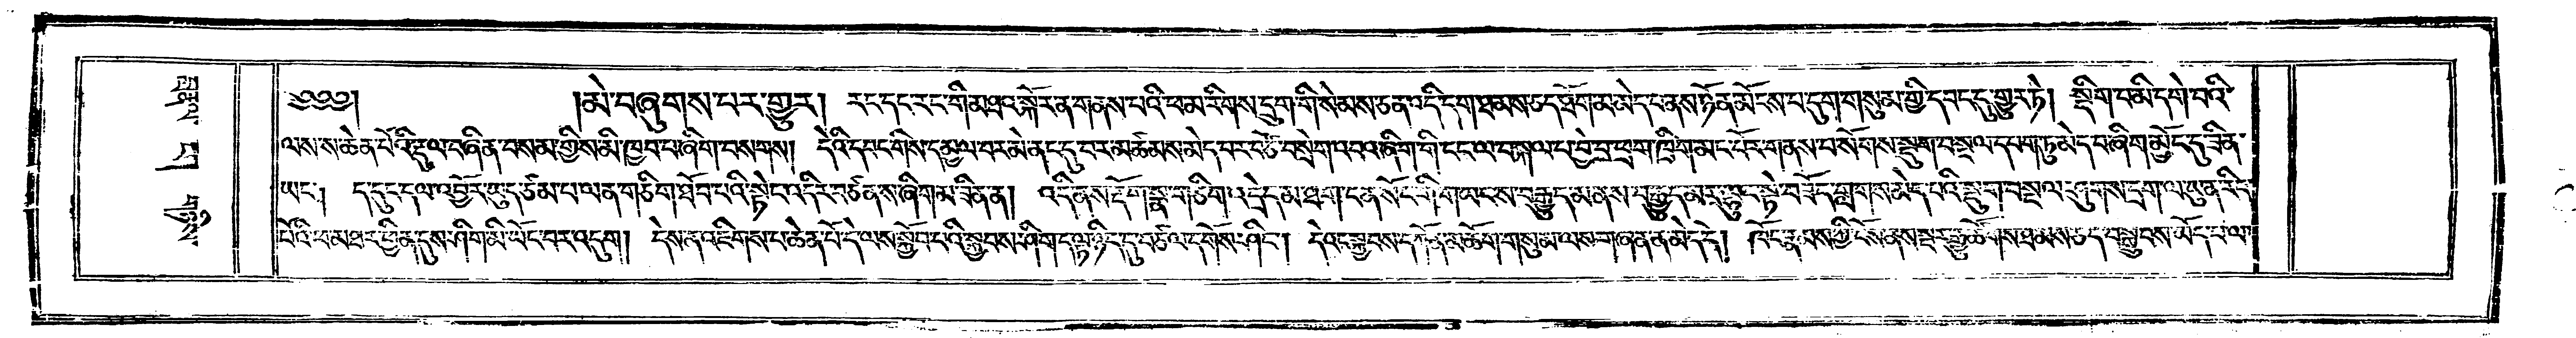༄༅༅། །མེ་བཞུགས་པར་གྱུར། རང་དང་རང་གི་མཐའ་སྐོར་ན་གནས་པའི་ཕ་མ་རིགས་དྲུག་གི་སེམས་ཅན་འདི་དག་ཐམས་ཅད་ཐོག་མ་མེད་པ་ནས་ཉོན་མོངས་པ་དུག་གསུམ་གྱི་དབང་དུ་གྱུར་ཏེ། སྡིག་པ་མི་དགེ་བའི་
ལས་ས་ཆེན་པོའི་རྡུལ་བཞིན་བསམ་གྱིས་མི་ཁྱབ་པ་ཞིག་བསགས། དེའི་དབང་གིས་དམྱལ་བར་མེ་ནང་དུ་བར་མཚམས་མེད་པར་བཙོ་བསྲེག་འབའ་ཞིག་གི་ངང་ལ་བསྐལ་པ་བྱེ་བ་ཕྲག་ཁྲིག་མང་པོར་གནས་པ་སོགས་སྡུག་བསྔལ་དཔག་ཏུ་མེད་པ་ཞིག་མྱོང་དུ་ཟིན་ཡང༑
ད་དུང་དལ་འབྱོར་ཡུད་ཙམ་པ་ལན་གཅིག་ཐོབ་པའི་སྟེང་འདིར་བཙན་ས་ཞིག་མ་ཟིན་ན། །འདི་ནས་རྡོག་སྣ་གཅིག་འདྲེད་མ་ཐག་ངན་སོང་གི་གཡང་ས་བརྒྱུད་མ་ནས་བརྒྱུད་མར་ལྷུང་སྟེ་བཟོད་གླགས་མེད་པའི་སྡུག་བསྔལ་ཤུགས་དྲག་ལ་ཡུན་རིང་
པོའི་ཕ་མཐར་ཕྱིན་དུས་ཤིག་མི་ཡོང་བར་འདུག། དེས་ན་འཇིགས་པ་ཆེན་པོ་དེ་ལས་སྐྱོབ་པའི་སྐྱབས་ཤིག་ད་ལྟ་ཉིད་དུ་བཙལ་དགོས་ཤིང་། དེའང་སྐྱབས་དཀོན་མཆོག་གསུམ་ལས་གཞན་ན་མེད་དེ། ཁོང་རྣམས་ཀྱི་ངོས་ནས་སྔར་རྒྱུ་ཚོགས་ཐམས་ཅད་བསྒྲུབས་ཡོད་པ་ལ་